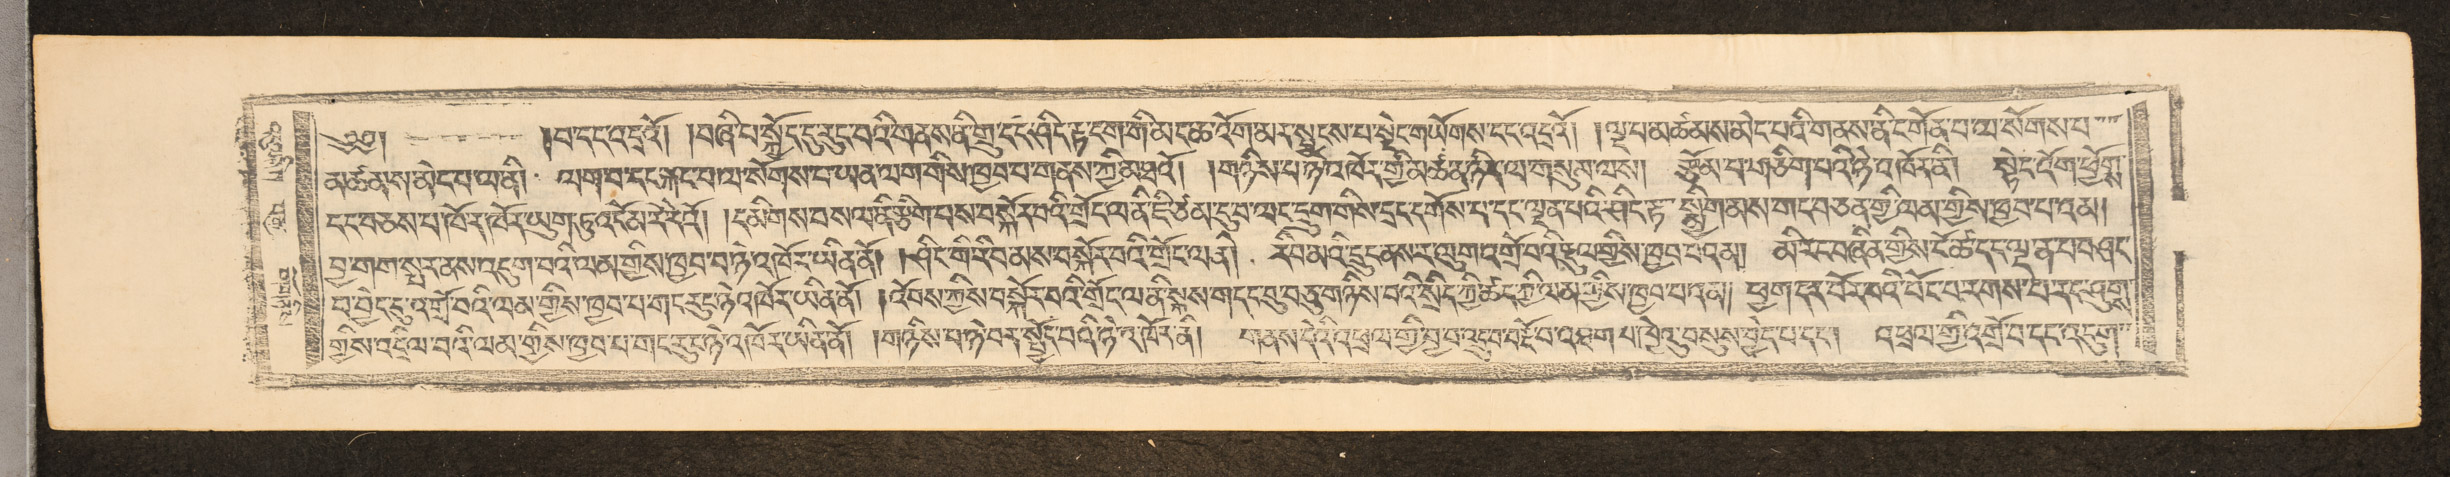༄༅། །བ་དང་འདྲའོ། །བཞི་པ་སྐྱོང་དུ་རུང་བའི་གནས་ནི་གྲུ་དང་ཤིང་རྟ་དག་གི་མང་ཆ་འོག་མར་སྦྱངས་པ་སྟེང་གཡོགས་དང་འདྲའོ། །ལྔ་པ་མཚམས་མེད་པའི་གནས་ནི་དགོན་པ་ལ་སོགས་པ་
མཚམས་མེད་པ་ལ་ནི། ལག་པ་དང་རྐང་པ་ལ་སོགས་པ་ཡན་ལག་གིས་ཁྱབ་པ་གནས་ཀྱི་མཐའོ། །གཉིས་པ་ཉེ་འཁོར་གྱི་མཚན་ཉིད་ལ་གསུམ་ལས། རྩོམ་པ་གཅིག་པའི་ཉེ་འཁོར་ནི། སྟེང་འོག་ཕྱོགས་
དང་བཅས་པ་ཁོར་ཁོར་ཡུག་ཏུ་འདོམ་རེ་རེའོ། །དམིགས་བསལ་ནི་རྩིག་པས་བསྐོར་བའི་གྲོང་ལ་ནི་ཇི་ཙམ་དུ་བུ་ལང་དྲུག་གིས་དྲང་དགོས་པ་དང་ལྡན་པའི་ཤིང་རྟ་སྨྱིག་མས་གང་བ་ཅན་གྱི་ལམ་གྱིས་ཁྱབ་པ་འམ།
བྱ་གག་སྤར་ནས་འདུག་པའི་ལམ་གྱིས་ཁྱབ་པ་ཉེ་འཁོར་ཡིན་ནོ། །ཤིང་གི་རིབ་མས་བསྐོར་བའི་གྲོང་ལ་ནི། རིབ་མའི་དྲུང་ནས་ར་ལུག་འགྲོ་བའི་རྡུལ་གྱིས་ཁྱབ་པའམ། མི་རང་བཞིན་གྱིས་ངོ་ཚ་དང་ལྡན་པ་བཤད་
པ་བྱེད་དུ་འགྲོ་བའི་ལམ་གྱིས་ཁྱབ་པ་གང་རུང་ཉེ་འཁོར་ཡིན་ནོ། །འོབས་ཀྱིས་བསྐོར་བའི་གྲོང་ལ་ནི་སྐས་གདང་བུ་བཅུ་གཉིས་པའི་སྲིད་ཀྱི་ཚད་ཀྱི་ལམ་གྱིས་ཁྱབ་པ་འམ། ཕྱག་དང་པོར་བའི་བོང་བ་རགས་པ་རང་ཤུགས་
ཀྱིས་འདྲིལ་བའི་ལམ་གྱིས་ཁྱབ་པ་གང་རུང་ཉེ་འཁོར་ཡིན་ནོ། །གཉིས་པ་ཉེ་བར་སྤྱོད་པའི་ཉེ་འཁོར་ནི། གནས་དེའི་འཕྲལ་གྱི་བྱ་བ་འདྲུབ་བརྡོབ་འཐག་པ་ཁྱེའུ་བསུས་བྱེད་པ་དང་། འཕྲལ་གྱི་འགྲོ་བ་དང་འདུག་